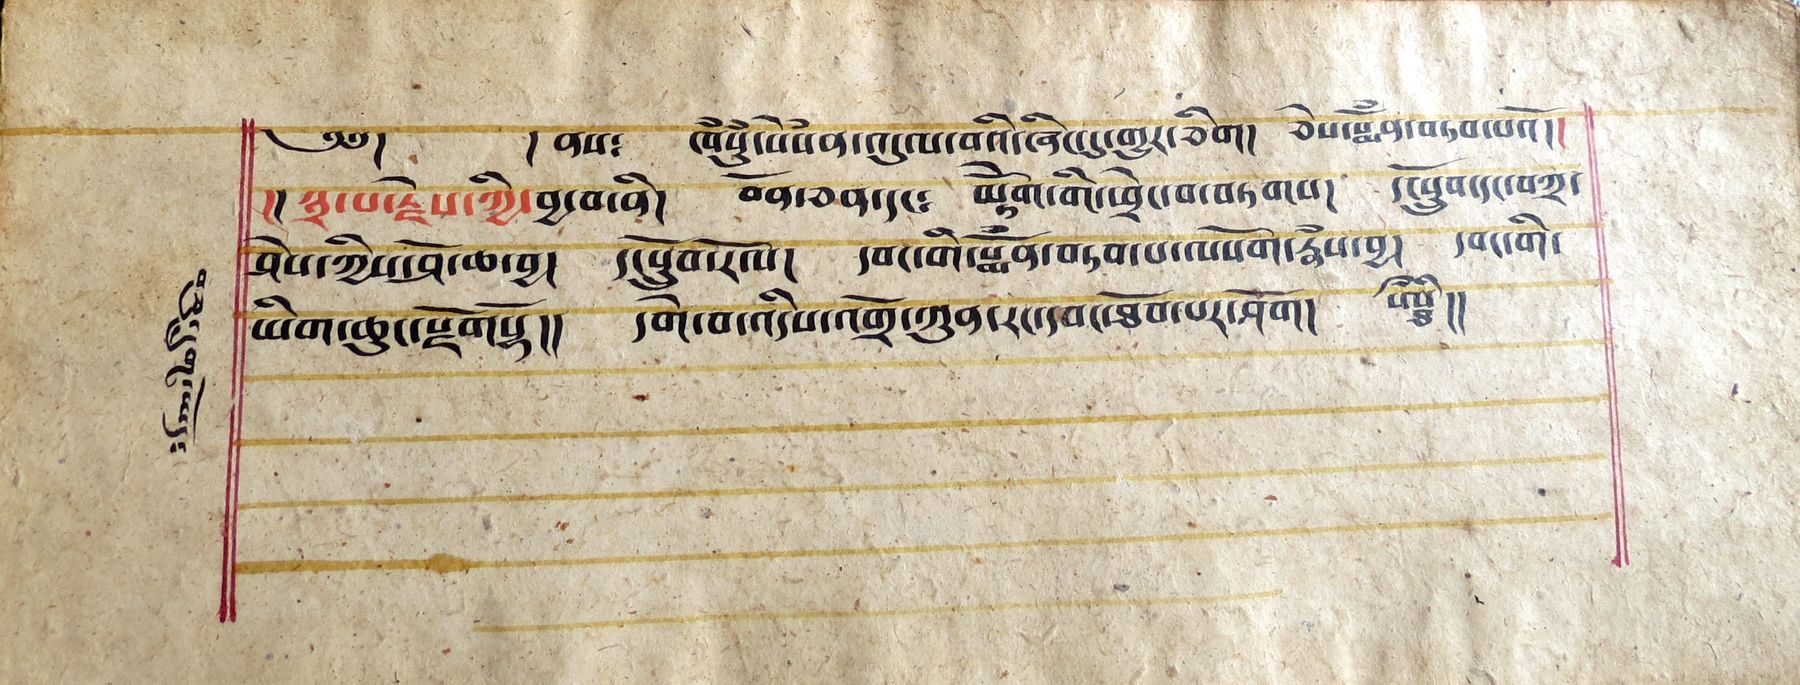ནས། ཁམས་གསུམ་སེམས་ཅན་འདུལ་བའི་ཞིང་དུ་གྱུར་ཅིག ། ཅེས་སྨོན་ལམ་བཏབ་པའོ། ། 
གསུམ་པ་རྗེས་ཀྱི་བྱ་བ་ནི། ཅོད་པན་དང་མེ་ཏོག་གི་འཕྲེང་བ་བཏགས། དངོས་གྲུབ་དང་བཀྲ་
ཤིས་ཀྱིས་ཤོ་ཆ་བྱ དངོས་གྲུབ་རོལ། དབང་གི་སྨོན་ལམ་བཏབ་པ་ལས་སོགས་རྣམས་བྱ། དབང་གི་
ཡིག་ཆུང་རྫོགས་སྷོ། ། དགེ་བ་འདིས་འགྲོ་ཀུན་རང་དབང་ཐོབ་པར་ཤོག ། ཨྠིོ། །